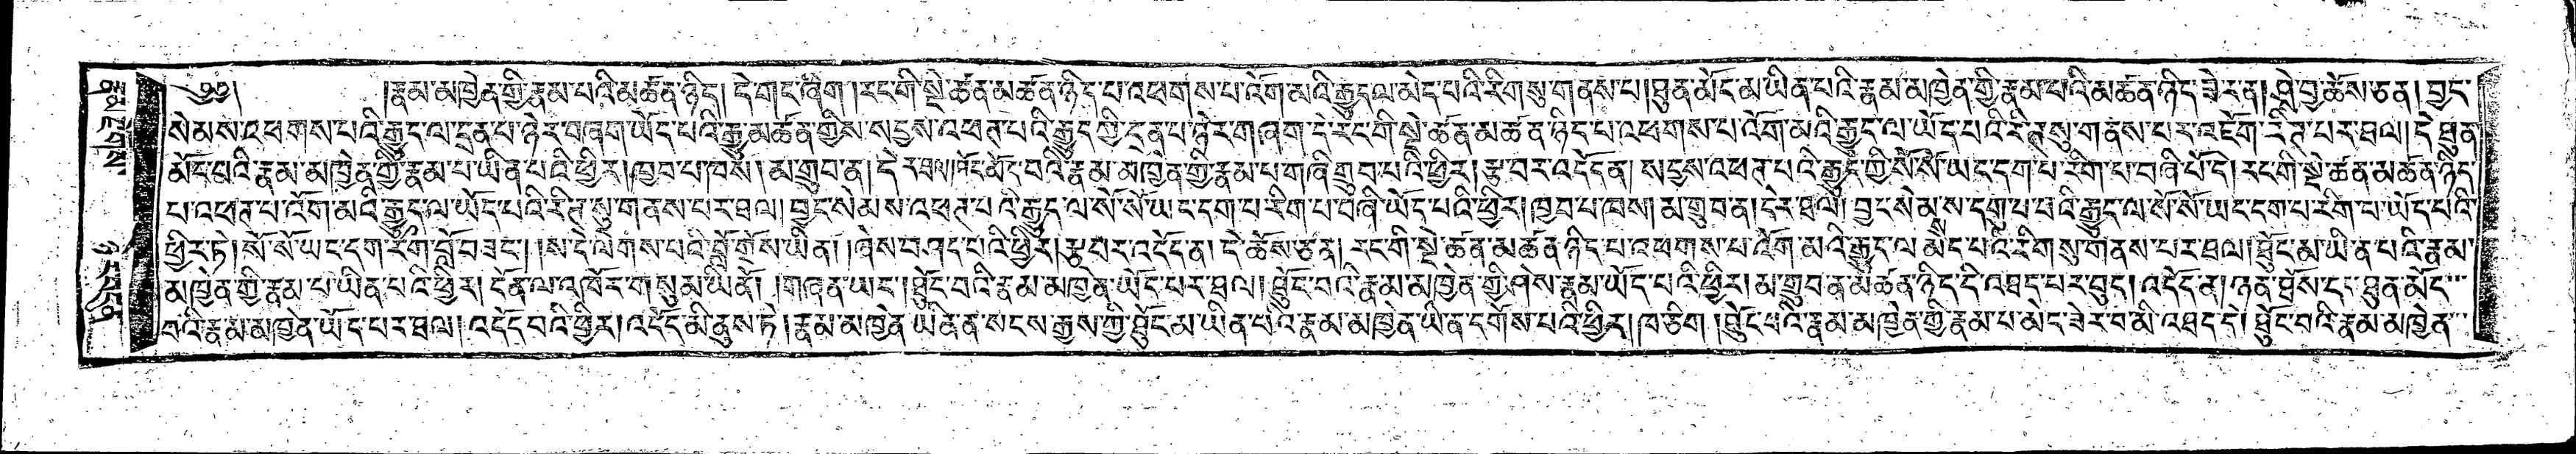༄༅། །རྣམ་མཁྱེན་གྱི་རྣམ་པའི་མཚན་ཉིད། དེ་གང་ཞིག །རང་གི་སྡེ་ཚན་མཚན་ཉིད་པ་འཕགས་པ་འོག་མའི་རྒྱུད་ལ་མེད་པའི་རིགས་སུ་གནས་པ། ཐུན་མོང་མ་ཡིན་པའི་རྣམ་མཁྱེན་གྱི་རྣམ་པའི་མཚན་ཉིད་ཟེར་ན། ཤེས་བྱ་ཆོས་ཅན། བྱང་
སེམས་འཕགས་པའི་རྒྱུད་ལ་དྲན་པ་ཉེར་བཞག་ཡོད་པའི་རྒྱུ་མཚན་གྱིས་སངས་རྒྱས་འཕགས་པའི་རྒྱུད་ཀྱི་དྲན་པ་ཉེར་བཞག་དེ་རང་གི་སྡེ་ཚན་མཚན་ཉིད་པ་འཕགས་པ་འོག་མའི་རྒྱུད་ལ་ཡོད་པའི་རིགས་སུ་གནས་པར་འཇོག་རིགས་པར་ཐལ། དེ་ཐུན་
མོང་བའི་རྣམ་མཁྱེན་གྱི་རྣམ་པ་ཡིན་པའི་ཕྱིར། ཁྱབ་པ་ཁས། མ་གྲུབ་ན། དེར་ཐལ། ཐུན་མོང་བའི་རྣམ་མཁྱེན་གྱི་རྣམ་པ་གཞི་གྲུབ་པའི་ཕྱིར། རྩ་བར་འདོད་ན། སངས་རྒྱས་འཕགས་པའི་རྒྱུད་ཀྱི་སོ་སོ་ཡང་དག་པ་རིག་པ་བཞི་པོ་དེ། རང་གི་སྡེ་ཚན་མཚན་ཉིད་
པ་འཕགས་པ་འོག་མའི་རྒྱུད་ལ་ཡོད་པའི་རིགས་སུ་གནས་པར་ཐལ། བྱང་སེམས་འཕགས་པའི་རྒྱུད་ལ་སོ་སོ་ཡང་དག་པ་རིག་པ་བཞི་ཡོད་པའི་ཕྱིར། ཁྱབ་པ་ཁས། མ་གྲུབ་ན། དེར་ཐལ། བྱང་སེམས་ས་དགུ་པ་བའི་རྒྱུད་ལ་སོ་སོ་ཡང་དག་པར་རིག་པ་ཡོད་པའི་
ཕྱིར་ཏེ། སོ་སོ་ཡང་དག་རིག་བློ་བཟང་། །ས་དེ་ལེགས་པའི་བློ་གྲོས་ཡིན། །ཞེས་བཤད་པའི་ཕྱིར། རྩ་བར་འདོད་ན། དེ་ཆོས་ཅན། རང་གི་སྡེ་ཚན་མཚན་ཉིད་པ་འཕགས་པ་འོག་མའི་རྒྱུད་ལ་མེད་པའི་རིགས་སུ་གནས་པར་ཐལ། ཐུན་མོང་མ་ཡིན་པའི་རྣམ་
མཁྱེན་གྱི་རྣམ་པ་ཡིན་པའི་ཕྱིར། དོན་ལ་འཁོར་གསུམ་ཡིན་ནོ། །གཞན་ཡང་། ཐུན་མོང་བའི་རྣམ་མཁྱེན་ཡོད་པར་ཐལ། ཐུན་མོང་བའི་རྣམ་མཁྱེན་གྱི་ཤེས་རྣམ་ཡོད་པའི་ཕྱིར། མ་གྲུབ་ན་མཚན་ཉིད་དེ་འཐད་པར་བུད། འདོད་ན། ཉན་ཐོས་དང་ཐུན་མོང་
བའི་རྣམ་མཁྱེན་ཡོད་པར་ཐལ། འདོད་པའི་ཕྱིར། འདོད་མི་ནུས་ཏེ། རྣམ་མཁྱེན་ཡིན་ན་སངས་རྒྱས་ཀྱི་ཐུན་མོང་མ་ཡིན་པའི་རྣམ་མཁྱེན་ཡིན་དགོས་པའི་ཕྱིར། ཁ་ཅིག། ཐུན་མོང་བའི་རྣམ་མཁྱེན་གྱི་རྣམ་པ་མེད་ཟེར་བ་མི་འཐད་དེ། ཐུན་མོང་བའི་རྣམ་མཁྱེན་